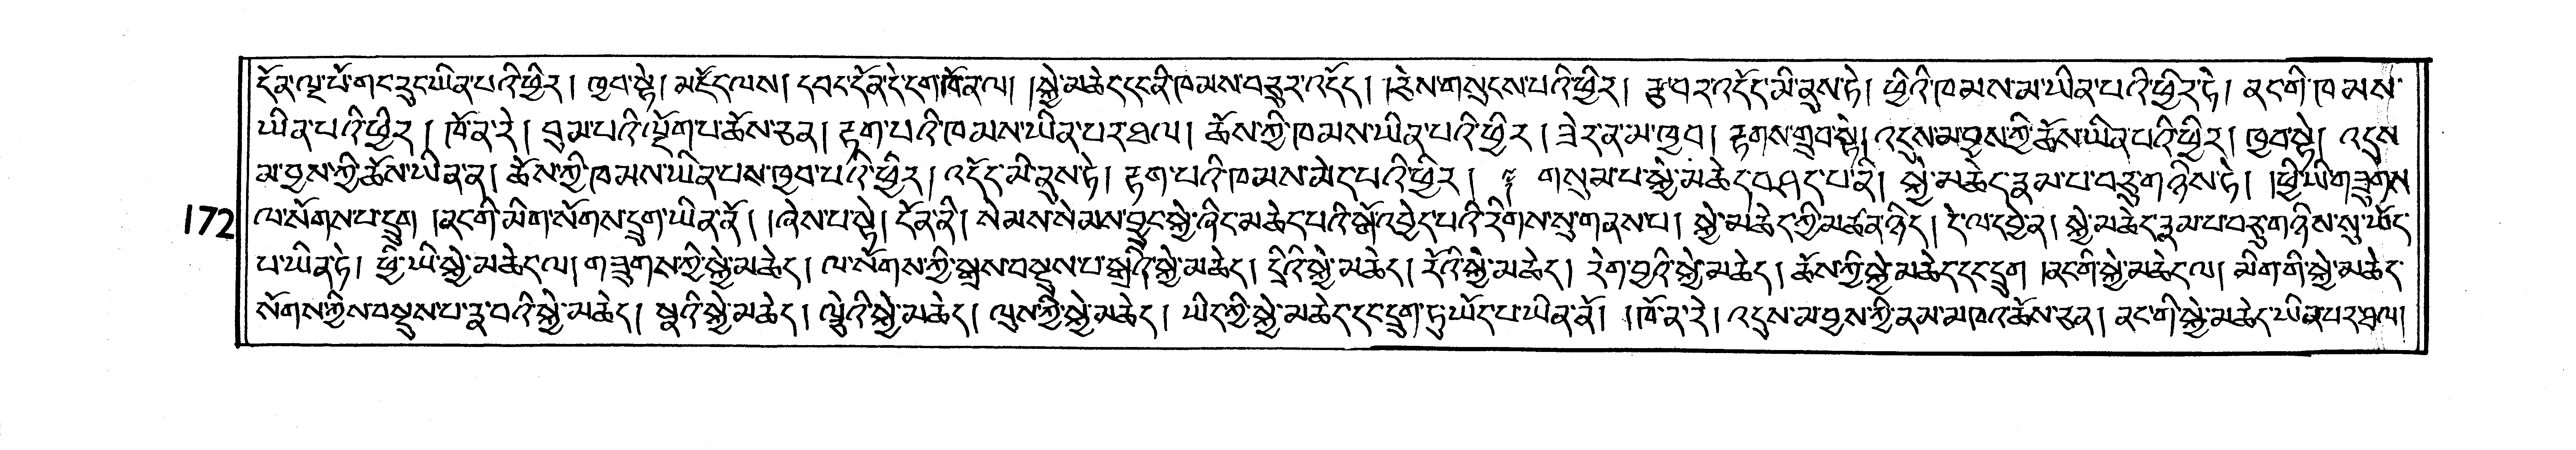དོན་ལྔ་པོ་གང་རུང་ཡིན་པའི་ཕྱིར། ཁྱབ་སྟེ། མཛོད་ལས། དབང་དོན་དེ་དག་ཁོ་ན་ལ། །སྐྱེ་མཆེད་དང་ནི་ཁམས་བཅུར་འདོད། །ཅེས་གསུངས་པའི་ཕྱིར། རྩ་བར་འདོད་མི་ནུས་ཏེ། ཕྱིའི་ཁམས་མ་ཡིན་པའི་ཕྱིར་ཏེ། ནང་གི་ཁམས་
ཡིན་པའི་ཕྱིར། ཁོ་ན་རེ། བུམ་པའི་ལྡོག་པ་ཆོས་ཅན། རྟག་པའི་ཁམས་ཡིན་པར་ཐལ། ཆོས་ཀྱི་ཁམས་ཡིན་པའི་ཕྱིར། ཟེར་ན་མ་ཁྱབ། རྟགས་གྲུབ་སྟེ། འདུས་མ་བྱས་ཀྱི་ཆོས་ཡིན་པའི་ཕྱིར། ཁྱབ་སྟེ། འདུས་
མ་བྱས་ཀྱི་ཆོས་ཡིན་ན། ཆོས་ཀྱི་ཁམས་ཡིན་པས་ཁྱབ་པའི་ཕྱིར། འདོད་མི་ནུས་ཏེ། རྟག་པའི་ཁམས་མེད་པའི་ཕྱིར། ༈ གསུམ་པ་སྐྱེ་མཆེད་བཤད་པ་ནི། སྐྱེ་མཆེད་རྣམ་པ་བཅུ་གཉིས་ཏེ། །ཕྱི་ཡི་གཟུགས་
ལ་སོགས་པ་དྲུག །ནང་གི་མིག་སོགས་དྲུག་ཡིན་ནོ། །ཞེས་པ་སྟེ། དོན་ནི། སེམས་སེམས་བྱུང་སྐྱེ་ཞིང་མཆེད་པའི་སྒོ་འབྱེད་པའི་རིགས་སུ་གནས་པ། སྐྱེ་མཆེད་ཀྱི་མཚན་ཉིད། དེ་ལ་དབྱེ་ན། སྐྱེ་མཆེད་རྣམ་པ་བཅུ་གཉིས་སུ་ཡོད་
པ་ཡིན་ཏེ། ཕྱི་ཡི་སྐྱེ་མཆེད་ལ། གཟུགས་ཀྱི་སྐྱེ་མཆེད། ལ་སོགས་ཀྱི་སྒྲས་བསྡུས་པ་སྒྲའི་སྐྱེ་མཆེད། དྲིའི་སྐྱེ་མཆེད། རོའི་སྐྱེ་མཆེད། རེག་བྱའི་སྐྱེ་མཆེད། ཆོས་ཀྱི་སྐྱེ་མཆེད་དང་དྲུག །ནང་གི་སྐྱེ་མཆེད་ལ། མིག་གི་སྐྱེ་མཆེད་
སོགས་ཀྱིས་བསྡུས་པ་རྣ་བའི་སྐྱེ་མཆེད། སྣའི་སྐྱེ་མཆེད། ལྕེའི་སྐྱེ་མཆེད། ལུས་ཀྱི་སྐྱེ་མཆེད། ཡིད་ཀྱི་སྐྱེ་མཆེད་དང་དྲུག་ཏུ་ཡོད་པ་ཡིན་ནོ། །ཁོ་ན་རེ། འདུས་མ་བྱས་ཀྱི་ནམ་མཁའ་ཆོས་ཅན། ནང་གི་སྐྱེ་མཆེད་ཡིན་པར་ཐལ།